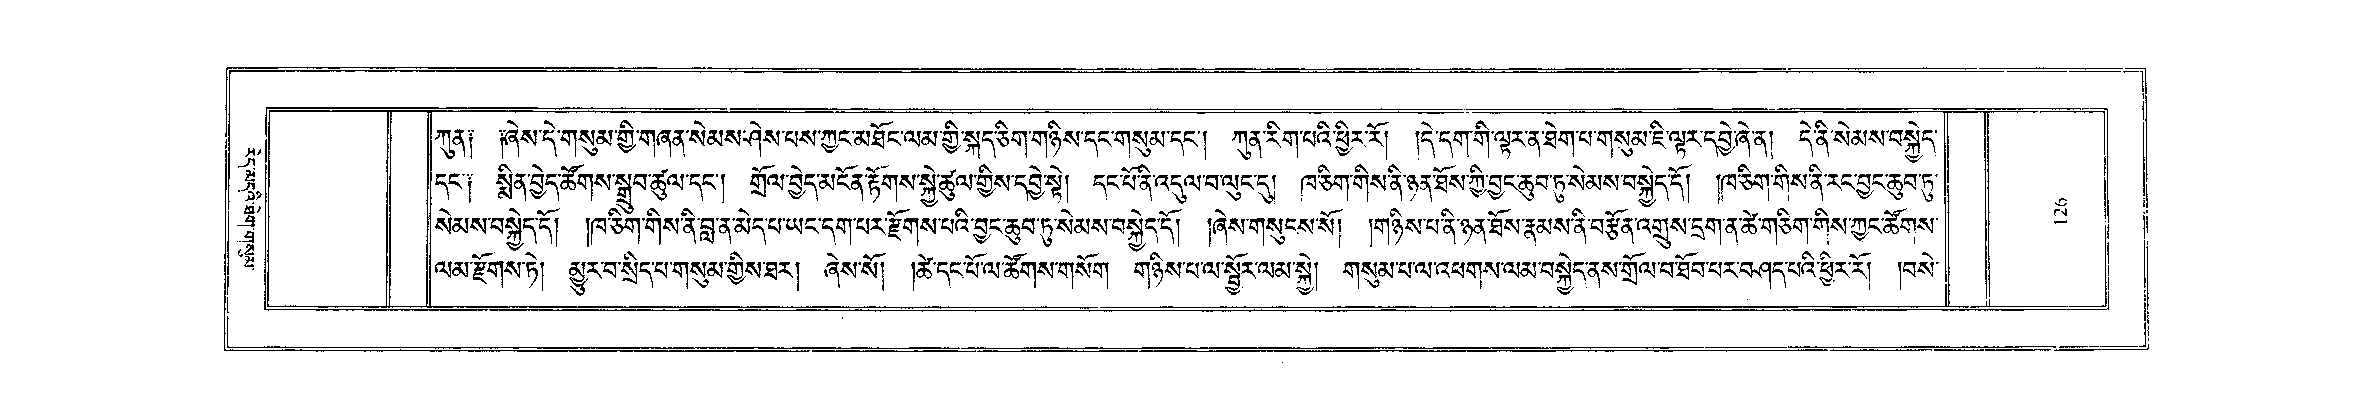ཀུན༑ ༑ཞེས་དེ་གསུམ་གྱི་གཞན་སེམས་ཤེས་པས་ཀྱང་མཐོང་ལམ་གྱི་སྐད་ཅིག་གཉིས་དང་གསུམ་དང་། ཀུན་རིག་པའི་ཕྱིར་རོ། །དེ་དག་གི་ལྟར་ན་ཐེག་པ་གསུམ་ཇི་ལྟར་དབྱེ་ཞེ་ན། དེ་ནི་སེམས་བསྐྱེད་
དང༑ སྨིན་བྱེད་ཚོགས་སྒྲུབ་ཚུལ་དང་། གྲོལ་བྱེད་མངོན་རྟོགས་སྐྱེ་ཚུལ་གྱིས་དབྱེ་སྟེ། དང་པོ་ནི་འདུལ་བ་ལུང་དུ། ཁ་ཅིག་གིས་ནི་ཉན་ཐོས་ཀྱི་བྱང་ཆུབ་ཏུ་སེམས་བསྐྱེད་དོ། །ཁ་ཅིག་གིས་ནི་རང་བྱང་ཆུབ་ཏུ་
སེམས་བསྐྱེད་དོ། །ཁ་ཅིག་གིས་ནི་བླ་ན་མེད་པ་ཡང་དག་པར་རྫོགས་པའི་བྱང་ཆུབ་ཏུ་སེམས་བསྐྱེད་དོ། །ཞེས་གསུངས་སོ། །གཉིས་པ་ནི་ཉན་ཐོས་རྣམས་ནི་བརྩོན་འགྲུས་དྲག་ན་ཚེ་གཅིག་གིས་ཀྱང་ཚོགས་
ལམ་རྫོགས་ཏེ། མྱུར་བ་སྲིད་པ་གསུམ་གྱིས་ཐར། ཞེས་སོ། །ཚེ་དང་པོ་ལ་ཚོགས་གསོག་གཉིས་པ་ལ་སྦྱོར་ལམ་སྐྱེ། གསུམ་པ་ལ་འཕགས་ལམ་བསྐྱེད་ནས་གྲོལ་བ་ཐོབ་པར་བཤད་པའི་ཕྱིར་རོ། །བསེ་